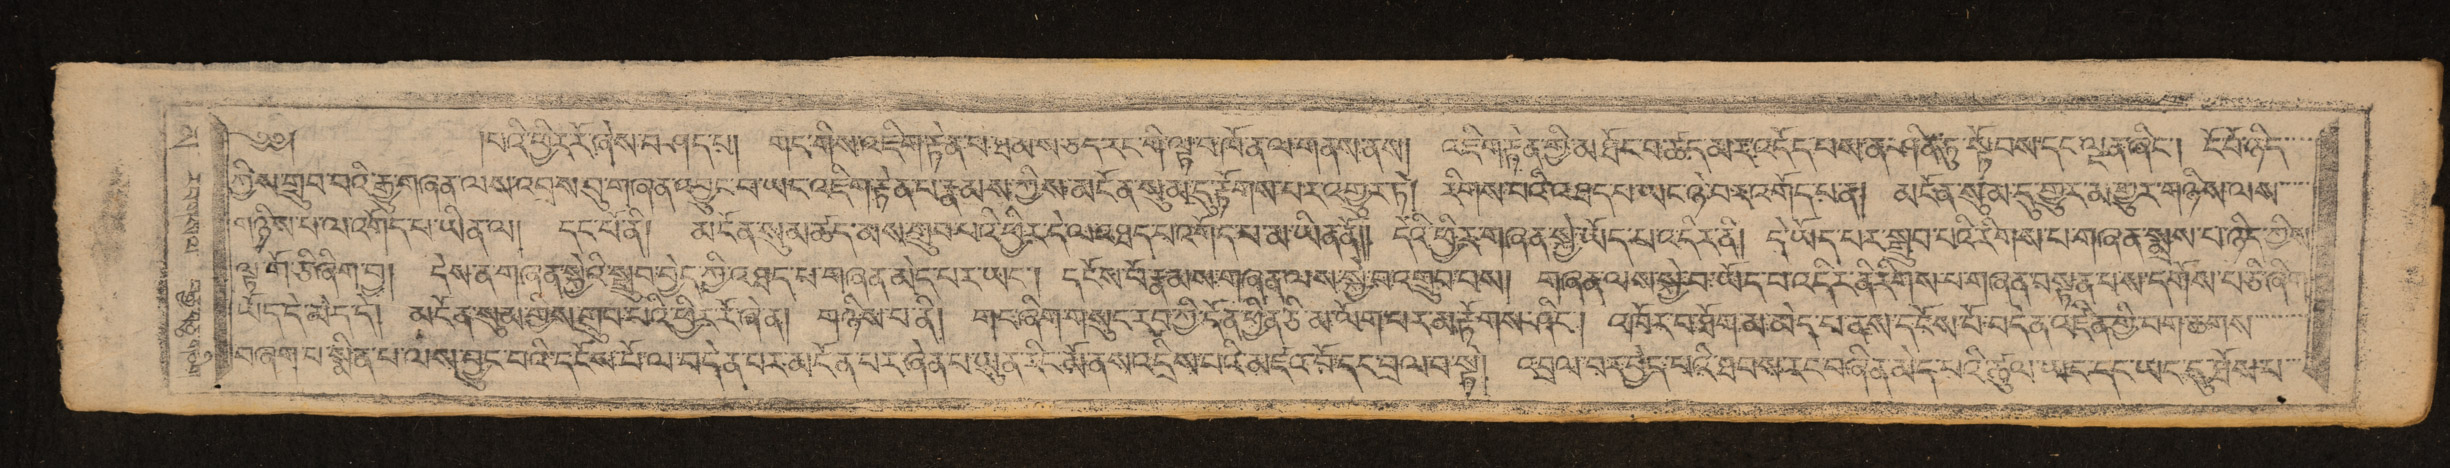༄༅། །པའི་ཕྱིར་རོ་ཞེས་བཤད་པ། གང་གིས་འཇིག་རྟེན་པ་ཐམས་ཅད་རང་གི་ལྟ་བ་ཁོ་ན་ལ་གནས་ནས། འཇིག་རྟེན་གྱི་མཐོང་བ་ཚད་མར་འདོད་པས་ན་ཤིན་ཏུ་སྟོབས་དང་ལྡན་ཞིང་། ངོ་བོ་ཉིད་
ཀྱིས་གྲུབ་པའི་རྒྱུ་གཞན་ལས་འབྲས་བུ་གཞན་འབྱུང་བ་ཡང་འཇིག་རྟེན་པ་རྣམས་ཀྱིས་མངོན་སུམ་དུ་རྟོགས་པར་འགྱུར་ཏེ། རིགས་པའི་འཐད་པ་ཡང་ཉེ་བར་འགོད་པ་ན། མངོན་སུམ་དུ་གྱུར་མ་གྱུར་གཉིས་ལས་
གཉིས་པ་ལ་འགོད་པ་ཡིན་ལ། དང་པོ་ནི། མངོན་སུམ་ཚད་མས་གྲུབ་པའི་ཕྱིར་དེ་ལ་འཐད་པ་འགོད་པ་མ་ཡིན་ནོ།། དེའི་ཕྱིར་གཞན་སྐྱེ་ཡོད་པ་འདིར་ནི། དེ་ཡོད་པར་སྒྲུབ་པའི་རིགས་པ་གཞན་སྨྲས་པ་ཉིད་ཀྱིས་
ལྟ་ཀོ་ཅི་ཞིག་བྱ། དེས་ན་གཞན་སྐྱེའི་སྒྲུབ་བྱེད་ཀྱི་འཐད་པ་གཞན་མེད་པར་ཡང་། དངོས་པོ་རྣམས་གཞན་ལས་སྐྱེ་བ་འགྲུབ་པས། གཞན་ལས་སྐྱེ་བ་ཡོད་པ་འདིར་ནི་རིགས་པ་གཞན་བསྟན་པས་དགོས་པ་ཅི་ཞིག་
ཡོད་དེ་མེད་དེ། མངོན་སུམ་གྱིས་གྲུབ་པའི་ཕྱིར་རོ་ཞེ་ན། གཉིས་པ་ནི། གང་ཞིག་གསུང་རབ་ཀྱི་དོན་ཕྱིན་ཅི་མ་ལོག་པར་མ་རྟོགས་ཤིང་། འཁོར་བ་ཐོག་མ་མེད་པ་ནས་དངོས་པོ་བདེན་འཛིན་གྱི་བག་ཆགས་
བཞག་པ་སྨིན་པ་ལས་བྱུང་བའི་དངོས་པོ་ལ་བདེན་པར་མངོན་པར་ཞེན་པ་ཡུན་རིང་མོ་ནས་འདྲིས་པའི་མཛའ་བོ་དང་བྲལ་བ་སྟེ། འབྲལ་བར་བྱེད་པའི་ཐབས་རང་བཞིན་མེད་པའི་ཚུལ་ཡང་དང་ཡང་དུ་ཐོས་པ་